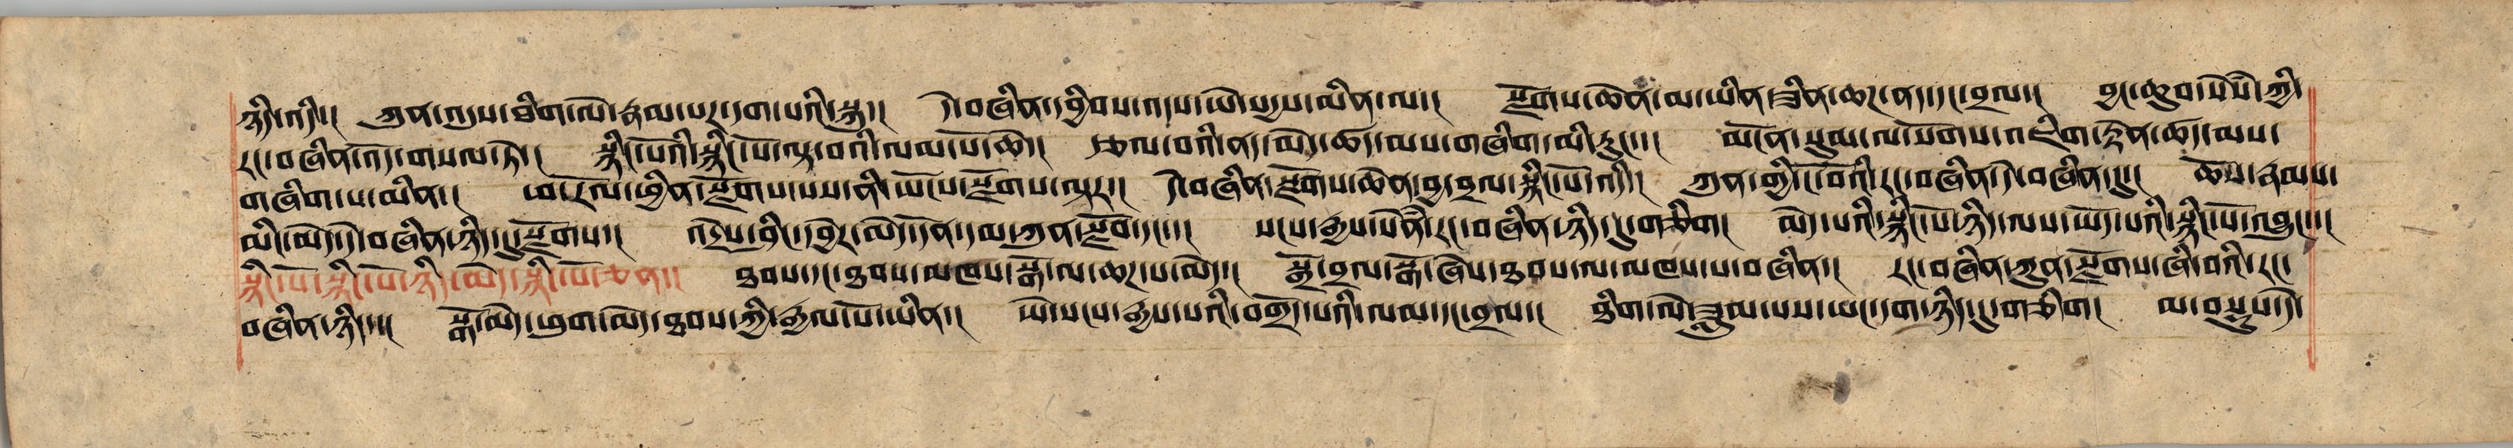ཉིད་འདི་། ཀུན་འདུས་ཐིག་ལེ་རྣམ་པར་དག་པའི་སྐུ་། དེ་བཞིན་དབྱིབས་འདས་ཡེ་སདྱས་མིན་ལ་། སྫོགས་ཆེན་མ་ཡིན་ཟིན་ཆཌ་ནད་དང་བྲལ་། བྱང་ཆུབ་སེཾས་ཀྱི་
རང་བཞིན་འོད་གསལ་ཏེ་། སྙིང་པོའི་སྙིང་པོ་ལྟ་བའི་ལམ་པོ་ཆེ་། རྩལ་བའི་ནད་མེད་ཚད་མས་གཞིག་མི་རུང་་། མངོན་སུམ་ལ་སོགས་འཇིག་རྟེན་ཚད་མས་
གཞིག་པ་མིན་། ཕ་རོལ་ཕྱིན་སྫོགས་པས་ནི་ཡོངས་སྫོགས་ལྟར་། དེ་བཞིན་སྫོགས་ཆེན་བྱ་བྲལ་སྙིང་པོ་འདི་། ཀུན་གྱི་ངོ་བོའི་རང་བཞིན་དེ་བཞིན་དུ་། ཆོས་རྣམས་
མིང་མེད་དེ་བཞིན་ཉིད་དུ་སྫོགས་། འདྲེས་ཤིང་དབྱེར་མེད་དོན་དམ་ཀུན་སྫོབ་དང་་། སངས་རྒྱས་སེཾན་རང་བཞིན་ཉིད་དུ་གཅིག། མེད་པའི་སྙིང་པོ་ཉིད་ལས་ཡོད་པའི་སྙིང་པོ་འབྱུང་་།
སྙིང་པོ་སྙིང་པོ་ཉིད་མེད་སྙིང་པོ་ཅན་། ཐབས་དང་ཐབས་མཁས་སྒོ་ལ་ཆཌ་པ་མེད་། སྒྲོ་བྲལ་སྒོ་ཞེས་ཐབས་ལ་མཁས་པ་བཞིན་། རང་བཞིན་ཀུན་སྫོགས་ཞི་བའི་རང་
བཞིན་ཉིད་། སྒོ་མེད་ཕུག་མེད་ཐབས་ཀྱི་རྒྱལ་པོ་ཡིན་། ཡེ་སངས་རྒྱས་པའི་བགྲོད་པའི་ལམ་དང་བྲལ་། ཐིག་ལེ་ཟླུམ་པས་ཡང་དག་ཉིད་དུ་གཅིག། མ་བསྡུས་དེ་